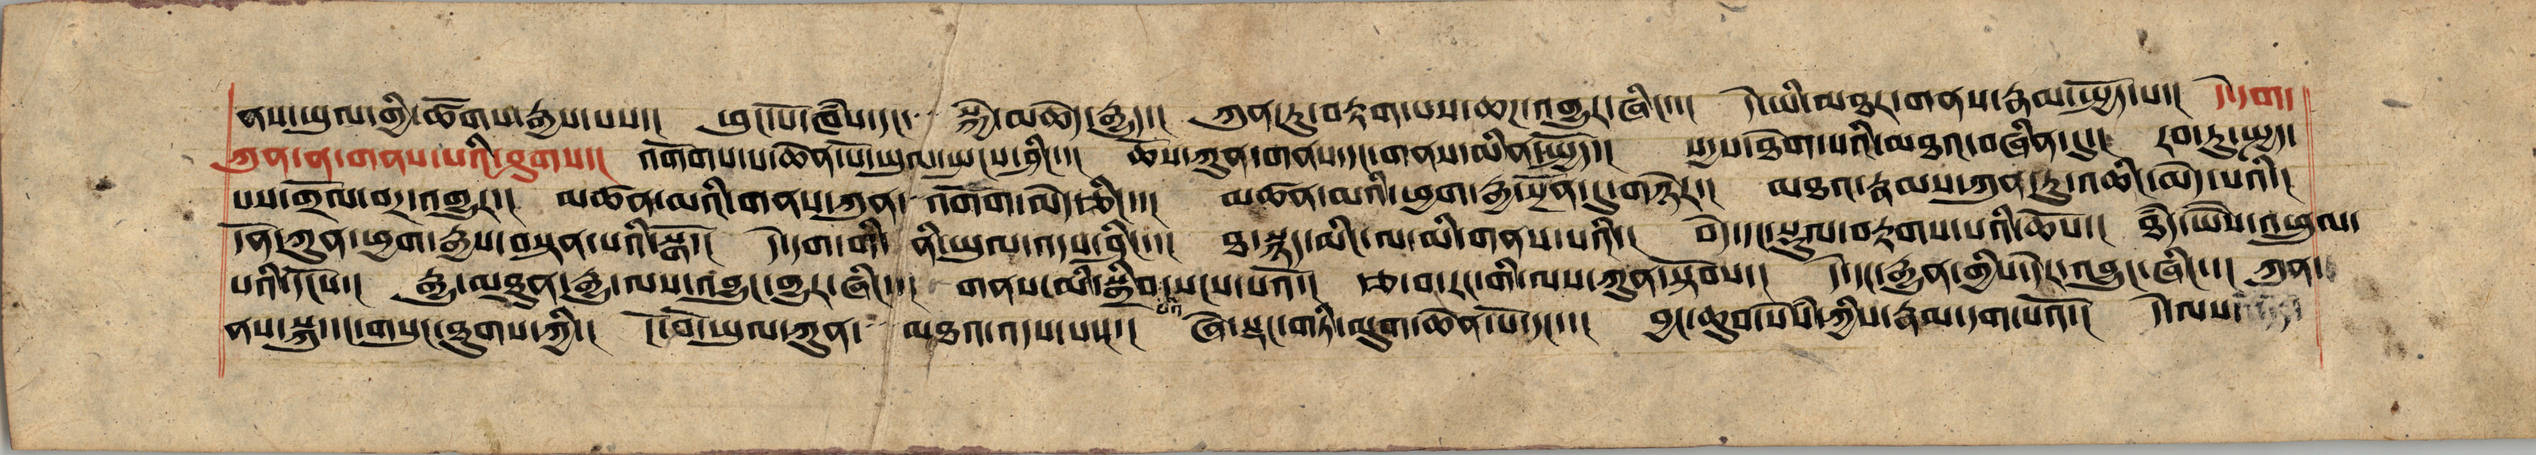ནས་ཡུལ་གྱི་ཚོགས་རྒྱས་པས་། ཕུང་པོ་ཁཾས་དང་ སྐྱེ་མཆེད་རྒྱུད་། ཀུན་ཏུ་བརྟག་པས་ཆཌ་འགྱུར་ཞིང་་། དེ་ཡི་མཐར་གནས་རྣམ་སྤྱོད་པ་། དེ་དག་
ཀུན་ན་གནས་པའི་ཤུགས་། འགོགས་པ་ཆེན་པོ་ཡུལ་སྤངས་ཤིང་་། ཆོས་ཀུན་གནས་དང་གནས་མིན་སྤྱོད་། སདྱས་ཐེག་པའི་མཐའ་བཞིན་དུ་། རབ་ཏུ་སྤྱད་
པས་གྲོལ་བར་འགྱུར་། མཚན་མའི་གནས་ཀུན་འགོག་མེད་ཅིང་། མཚན་མའི་ཕྱག་རྒྱ་སྔོན་དུ་གཉེར་། མཐའ་རྣམས་ཀུན་ཏུ་འཆིང་མེད་པའི་།
དོན་ཀུན་ཕྱག་རྒྱས་བསྟན་པའི་སྒོ་། དེ་དག་གི་ནི་ཡུལ་འདས་ཤིང་་། ཐ་སྙད་མིང་ལ་མི་གནས་པའི་། བདེ་དང་སྡུལ་བརྟགས་པའི་ཆོས་། ཐཾད་ཡཻས་འཕྲུལ་
པའི་དངོས་། རྒྱུ་མཐུན་རྒྱུ་ལས་འབྱུང་གྱུར་ཞིང་་། གནས་མི་སྒྲིབ་པའི་ཡངས་པའོ་། རྩ་བ་རང་གི་ལས་ཀུན་སྟོབས་། དེ་དང་རྒྱུན་གྱིས་དེར་འབྱུང་ཞིང་་། ཀུན་
ནས་སྐུ་དང་གསུང་ཐུགས་ཀྱི་། ངོ་བོ་ཡུལ་ཀུན་མཐའ་འདས་པས་། ཞེ་སྡང་གཏི་མུག་ཆེན་པོ་དང་་། བྱང་ཆུབ་སེཾས་ཀྱིས་རྣམ་དག་པའོ་། དེ་ལས་